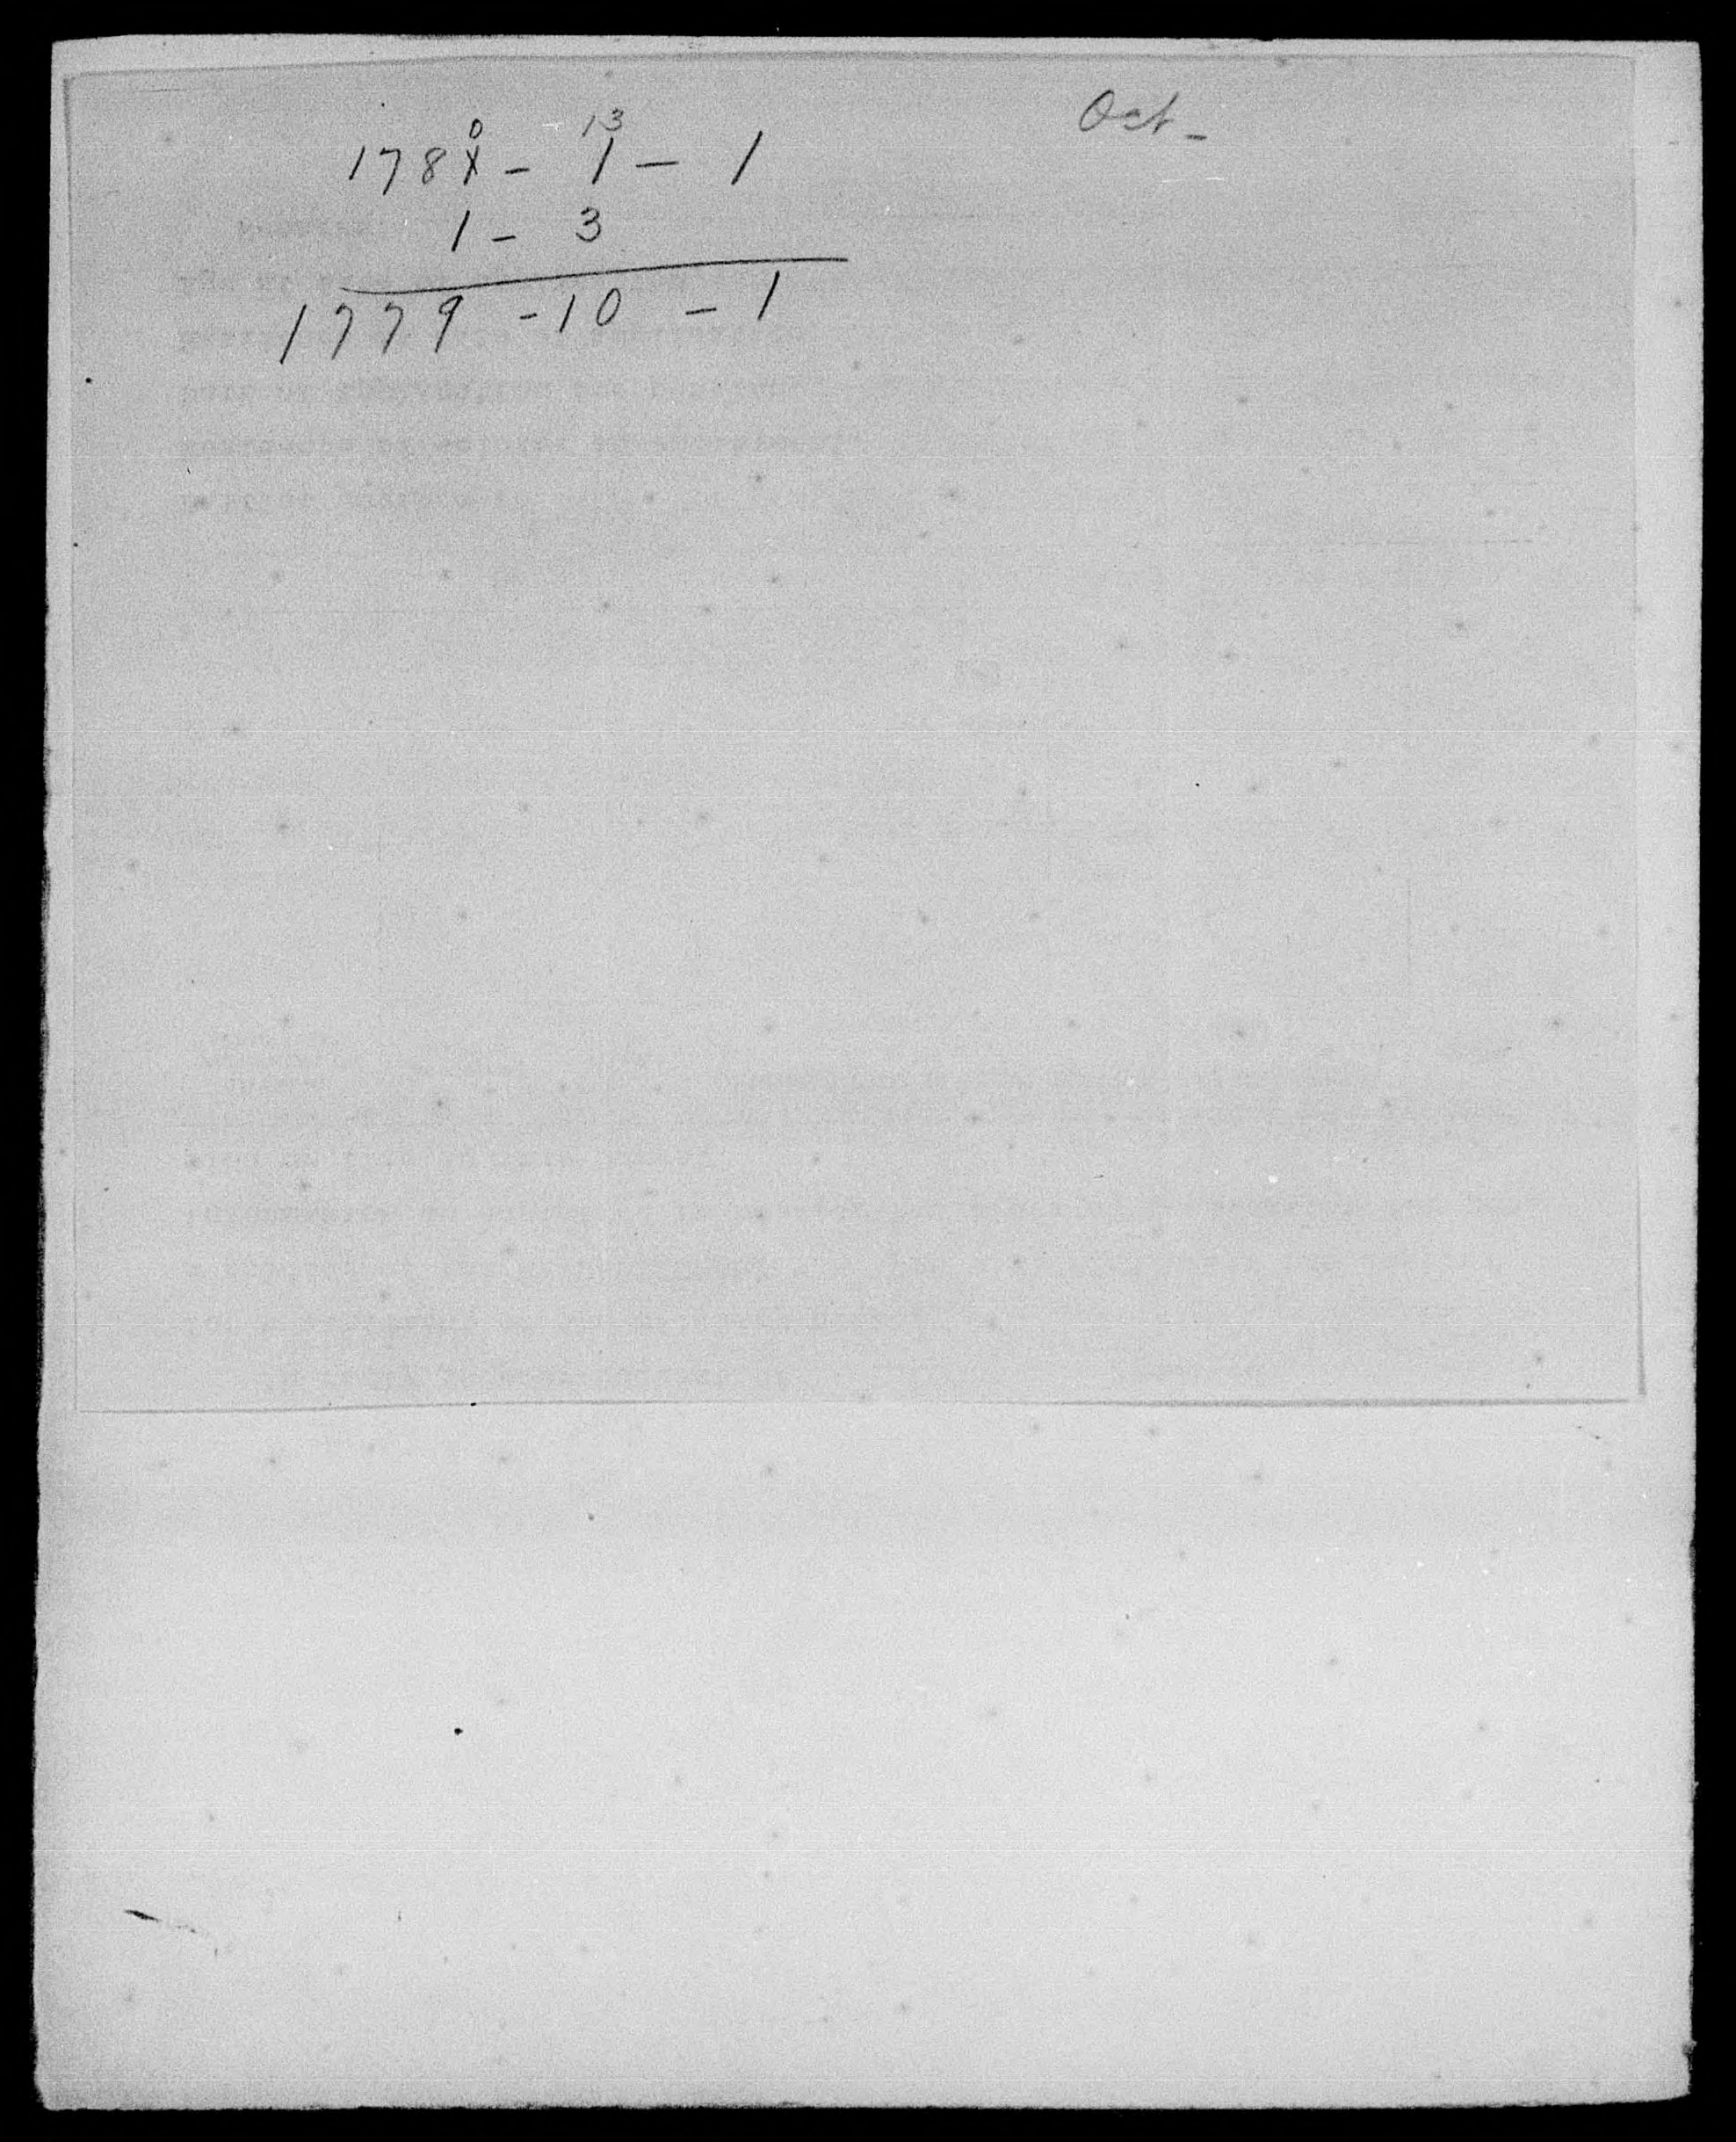Oct - 

1781 - 1 - 1
+ 1 - 3
1779 - 10 - 1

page: 11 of 43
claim: survivor's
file: S. 28748, Eleazer Grover, Continental Mass. Vt.